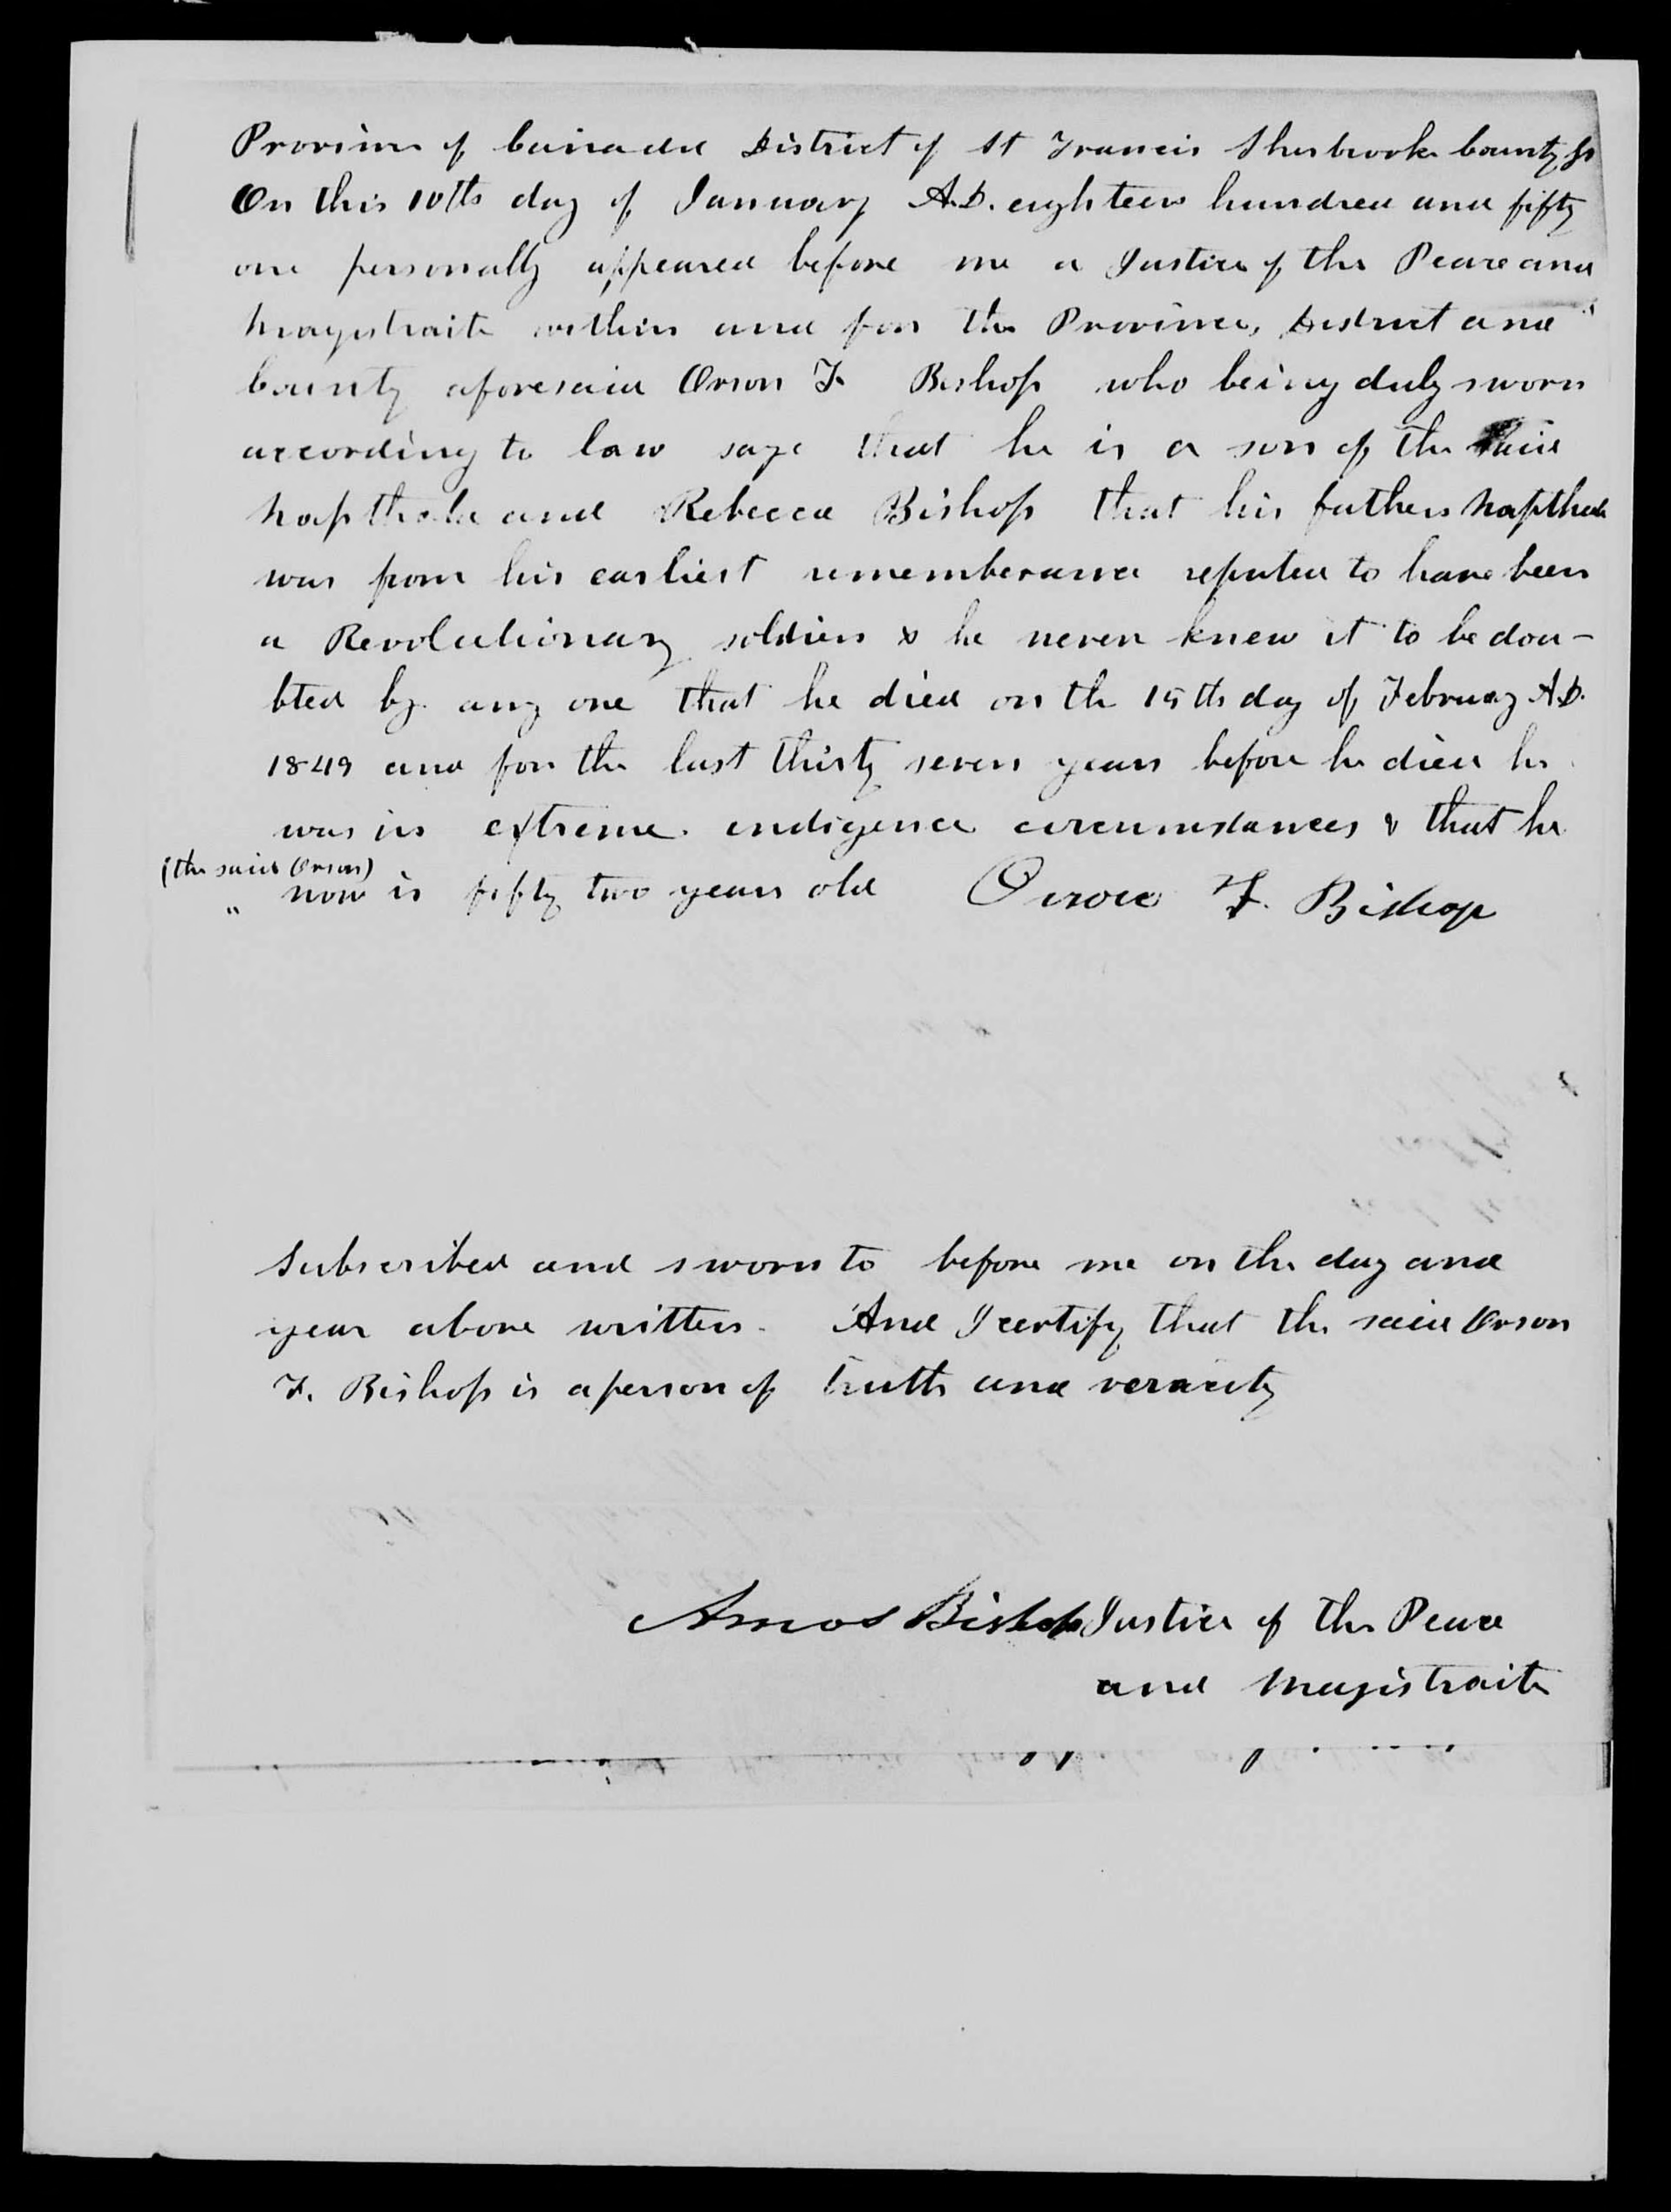Province of Canada District of St Francis Sherbrooke County ss 
On this 10th day of January A.D. eighteen hundred and fifty one personally appeared before me a Justice of the Peace and magistraite within and for the Province, District and County aforesaid Orson F. Bishop who being duly sworn according to law says that he is a son of said Napthala and Rebecca Bishop that his father Napthala was from his earliest rememberance reputed to have been a Revolutionary soldier & he never knew it to be doubted any any one that he died on the 15th day of February A.D. 1849 and for the last thirty seven years before he died he was in extreme indigence circumstances & that he (the said Orson) now is fifty two years old /s/Orson F. Bishop

Subscribed and sworn to before me on the day and year above written. And I certify that the said Orson F. Bishop is a person of truth and veracity
/s/Amos Bishop Justice of the Peace and Magistraite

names: Orson F Bishop, Rebecca Bishop, Napthala, Orson F Bishop, Orson F Bishop, Amos Bishop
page: 26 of 27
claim: rejected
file: R. 865, Napthala Bishop, Vt.